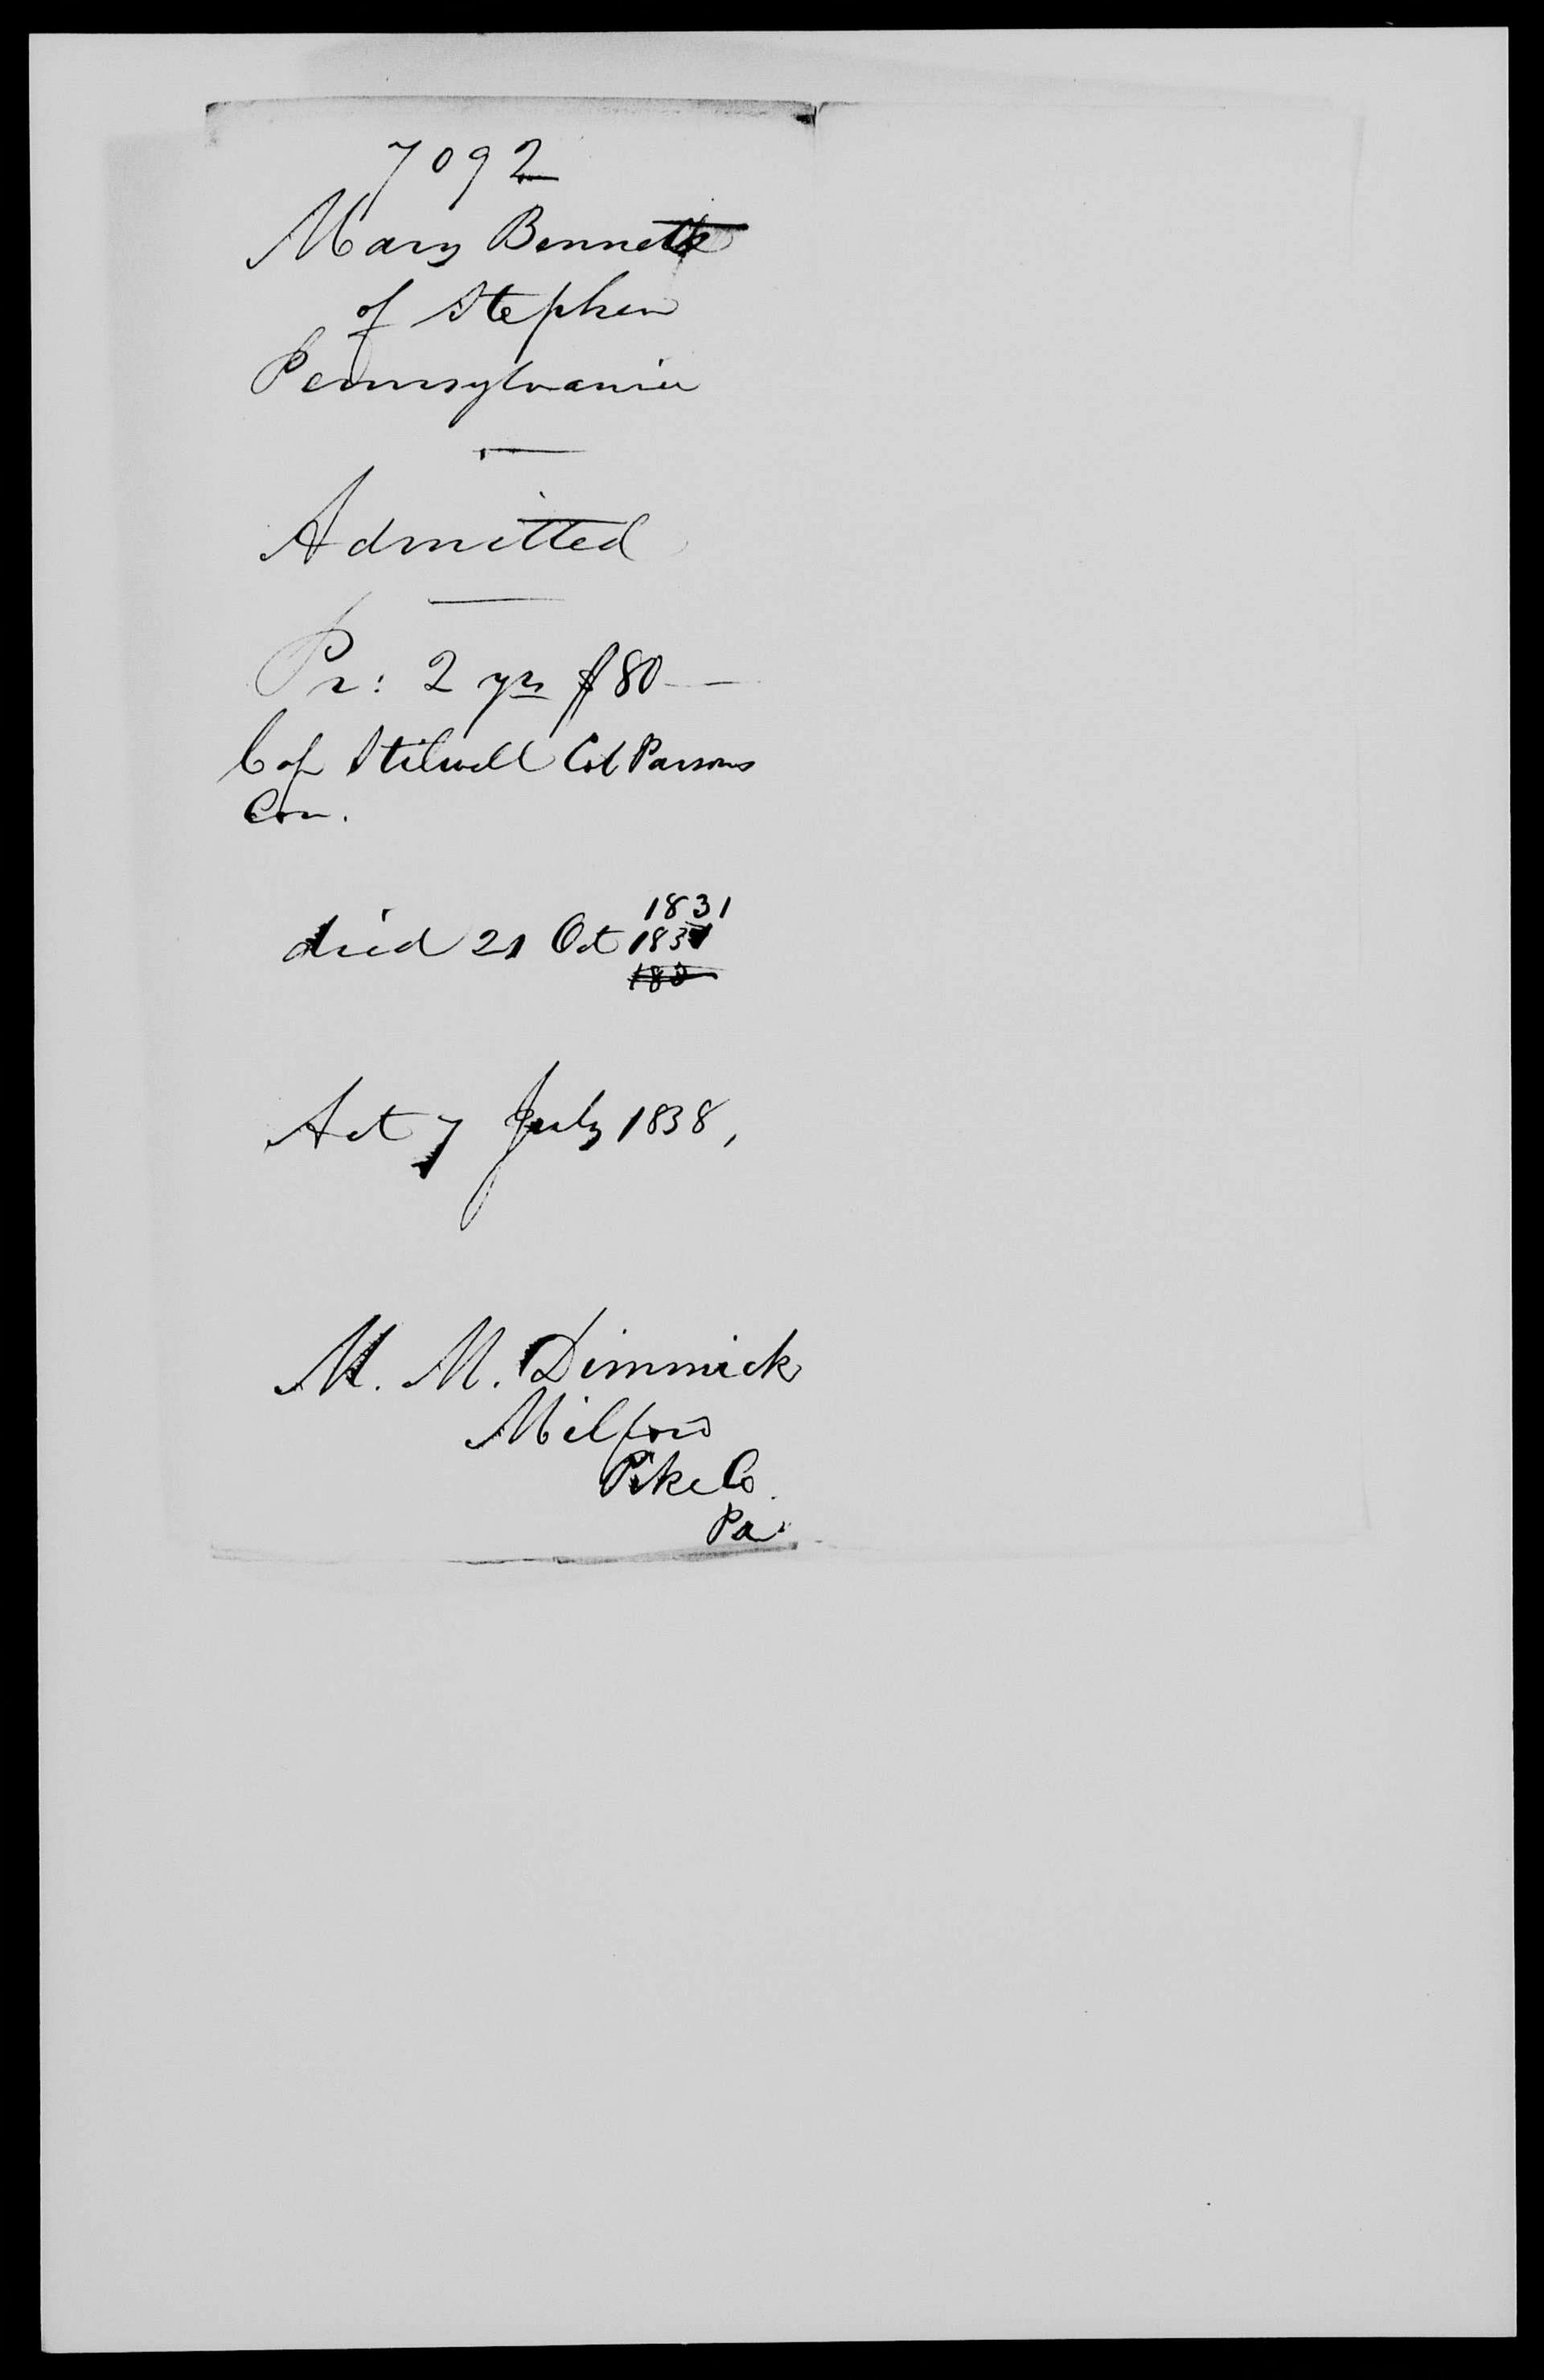7092 Mary Bennett of Stephen Pennsylvania - Admitted - Pr: yrs $80 - C of Stilwell Col Parsons Con. died 21 Oct 1831 [crossed out] Act of July 1838, M. M. Dimmick Milford Pike Co. Pa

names: Stephen Bennett, Mary Bennett, Stilwell, M M Dimmick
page: 67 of 79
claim: widow's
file: W. 2,906, Stephen Bennet, Conn.